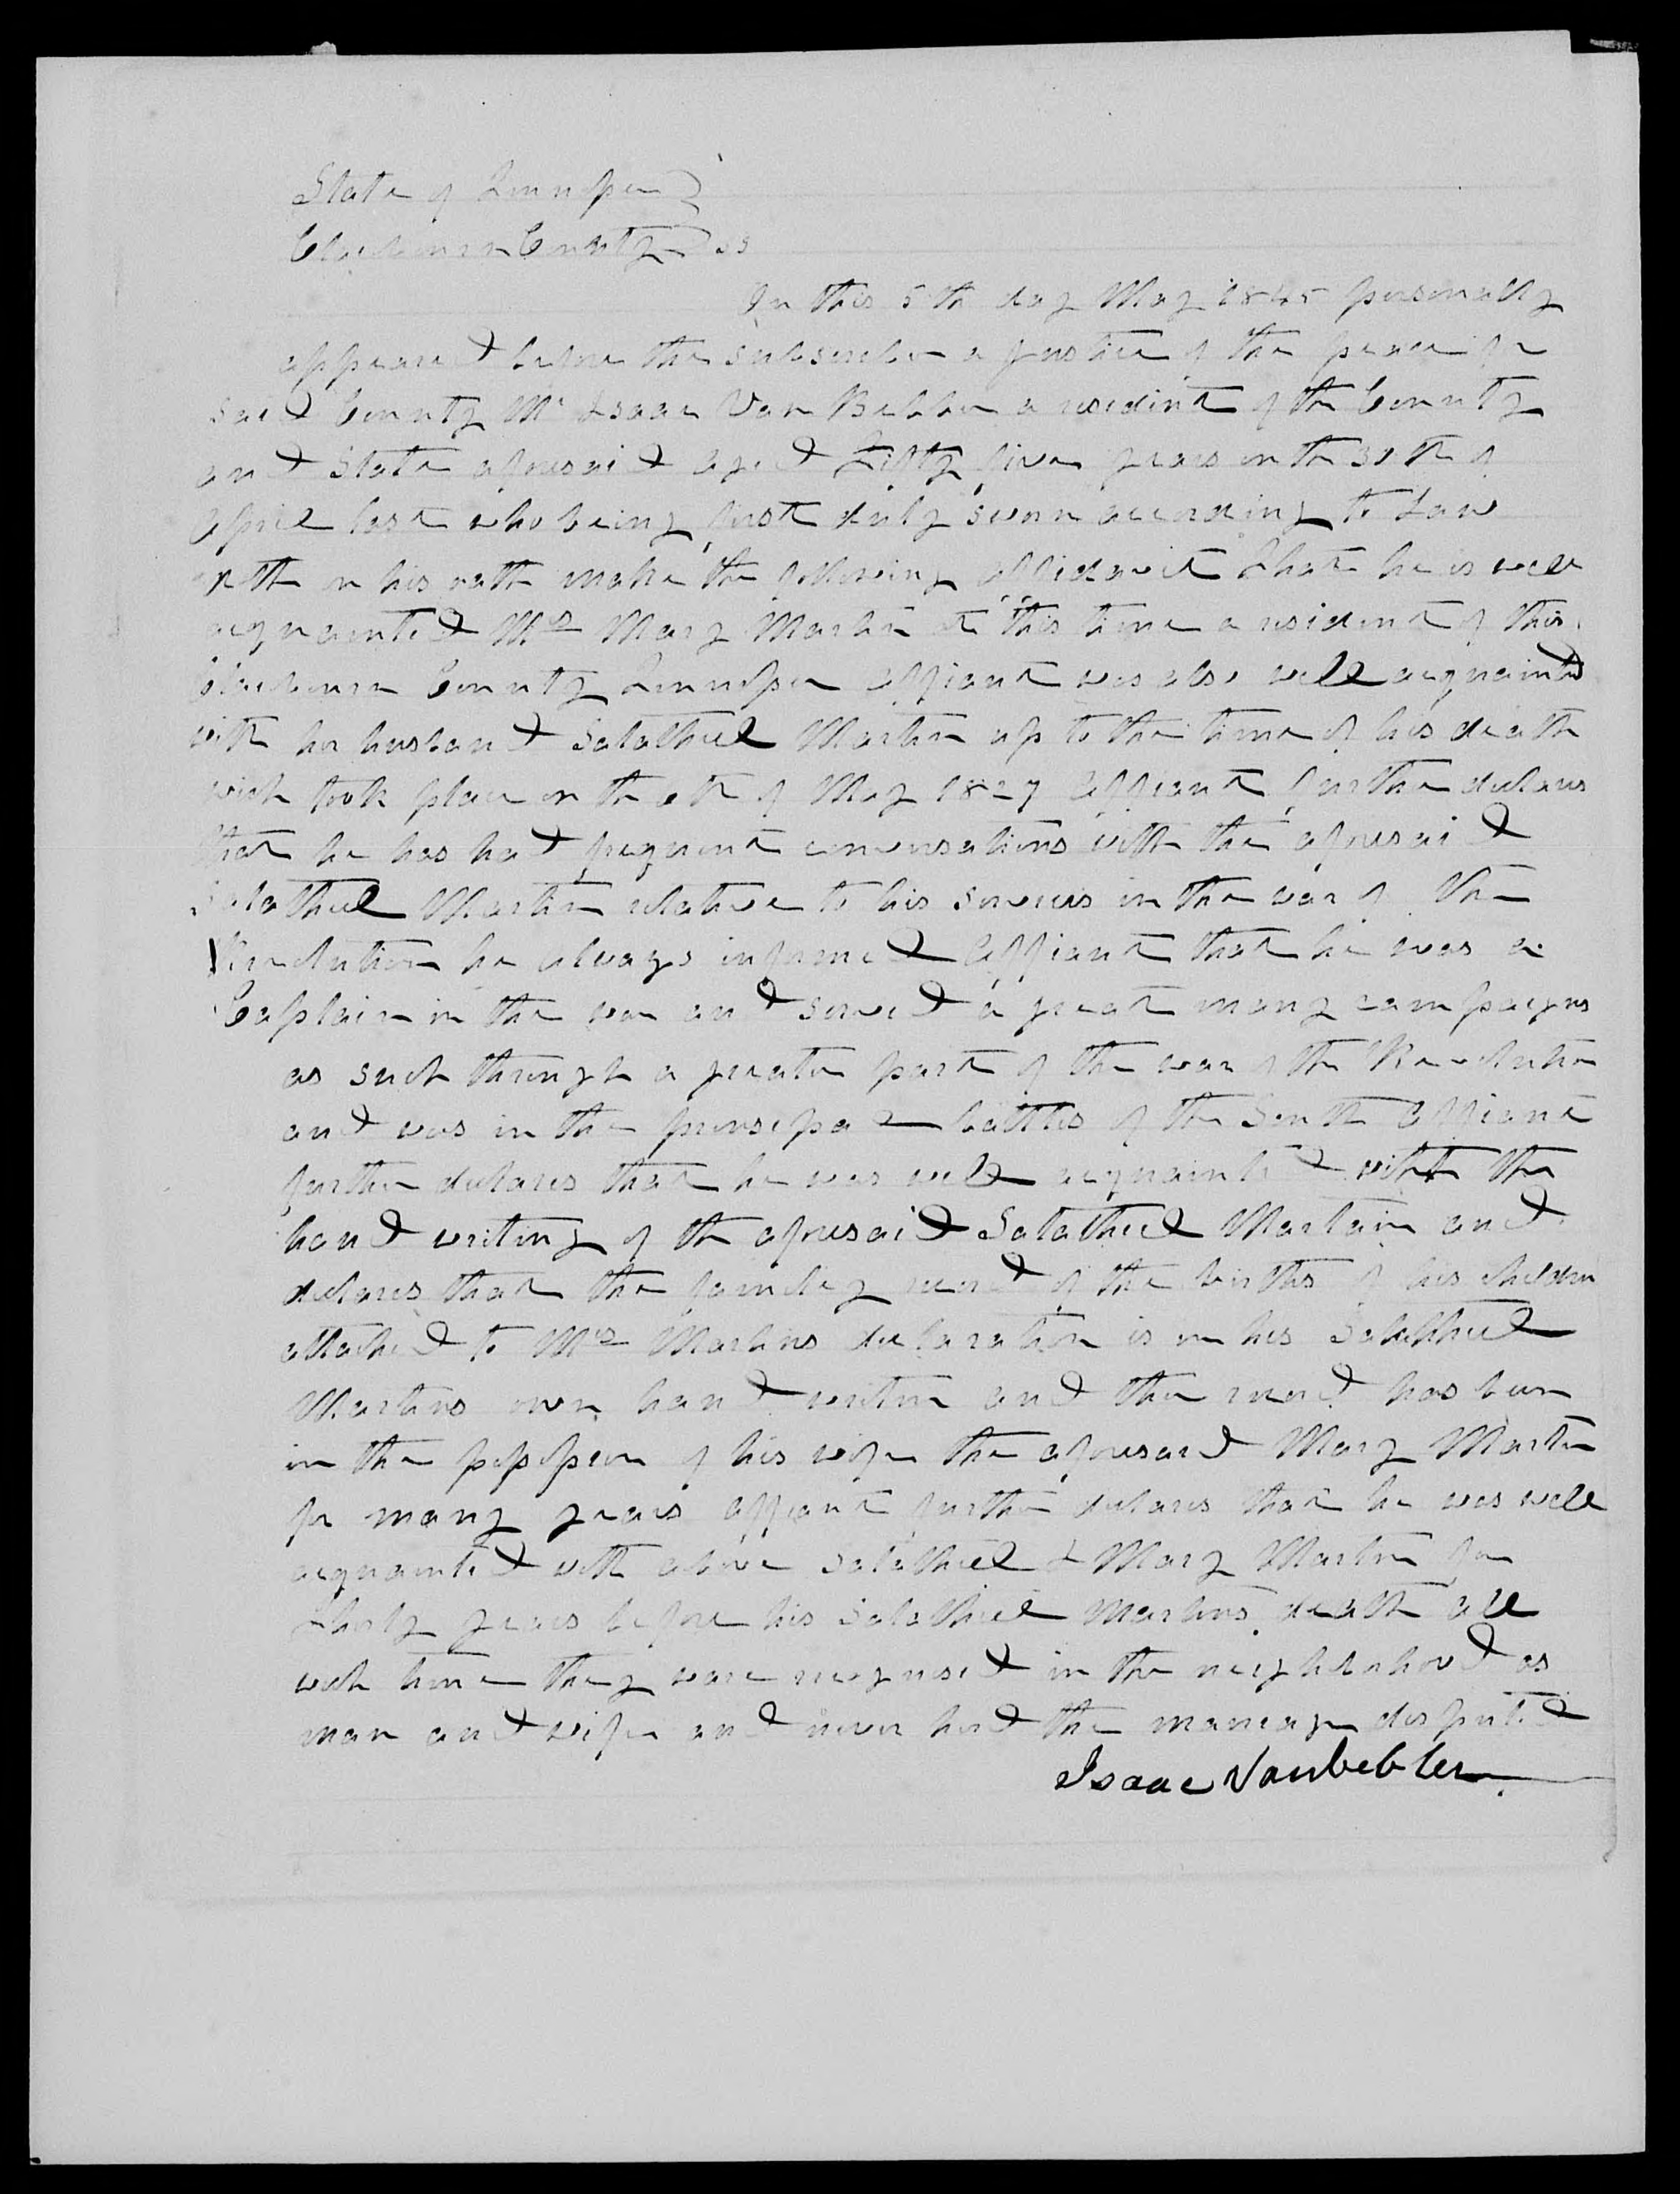State of Tennessee               )
Claiborn [Claiborne] County ) ss.
On this 5th day May 1845 personally
appeared before the subscriber a Justice of the peace in
said County Mr Isaac Van Bebber a resident of the County
and State aforesaid aged Fifty five years on the 31th of
April last who being first duly sworn according to Law
doth on his oath make the following affidavit that he is well
acquainted Ms Mary Martin at this time a resident of this
Claiborne County Tennessee affiant was also well acquainted 
with her husband Salathiel Martin up to the time of his death
wich [which] took place on the 6th of May 1827 Affiant further declares
that he has had frequent conversations with the aforesaid
Salathiel Martin relative to his services in the war of the
Revolution he always informed Affiant that he was a
Captain in the war and served a great many campaigns
as such through a greater part of the war of the Revolution
and was in the prinsipal [principal] battles of the South Affiant
further declares that he was well acquainted with the
hand writing of the aforesaid Salathiel Martin and
declares that the family record of the births of his children
attached to Mrs Martin declaration is in his Salathiel
Martins own hand writen [writing] and the record has been
in the possession of his wife the aforesaid Mary Martin
for many years affiant further declares that he was well
acquainted with above Salathiel & Mary Martin for
Thirty years before his Salathiel Martins death all
with him they were recognised [recognized] in the neighborhood as
man and wife and never had the marriage disputed
Isaac Vanbebber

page: 85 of 120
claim: widow's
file: W. 1044, for Salathiel Martin, North Carolina